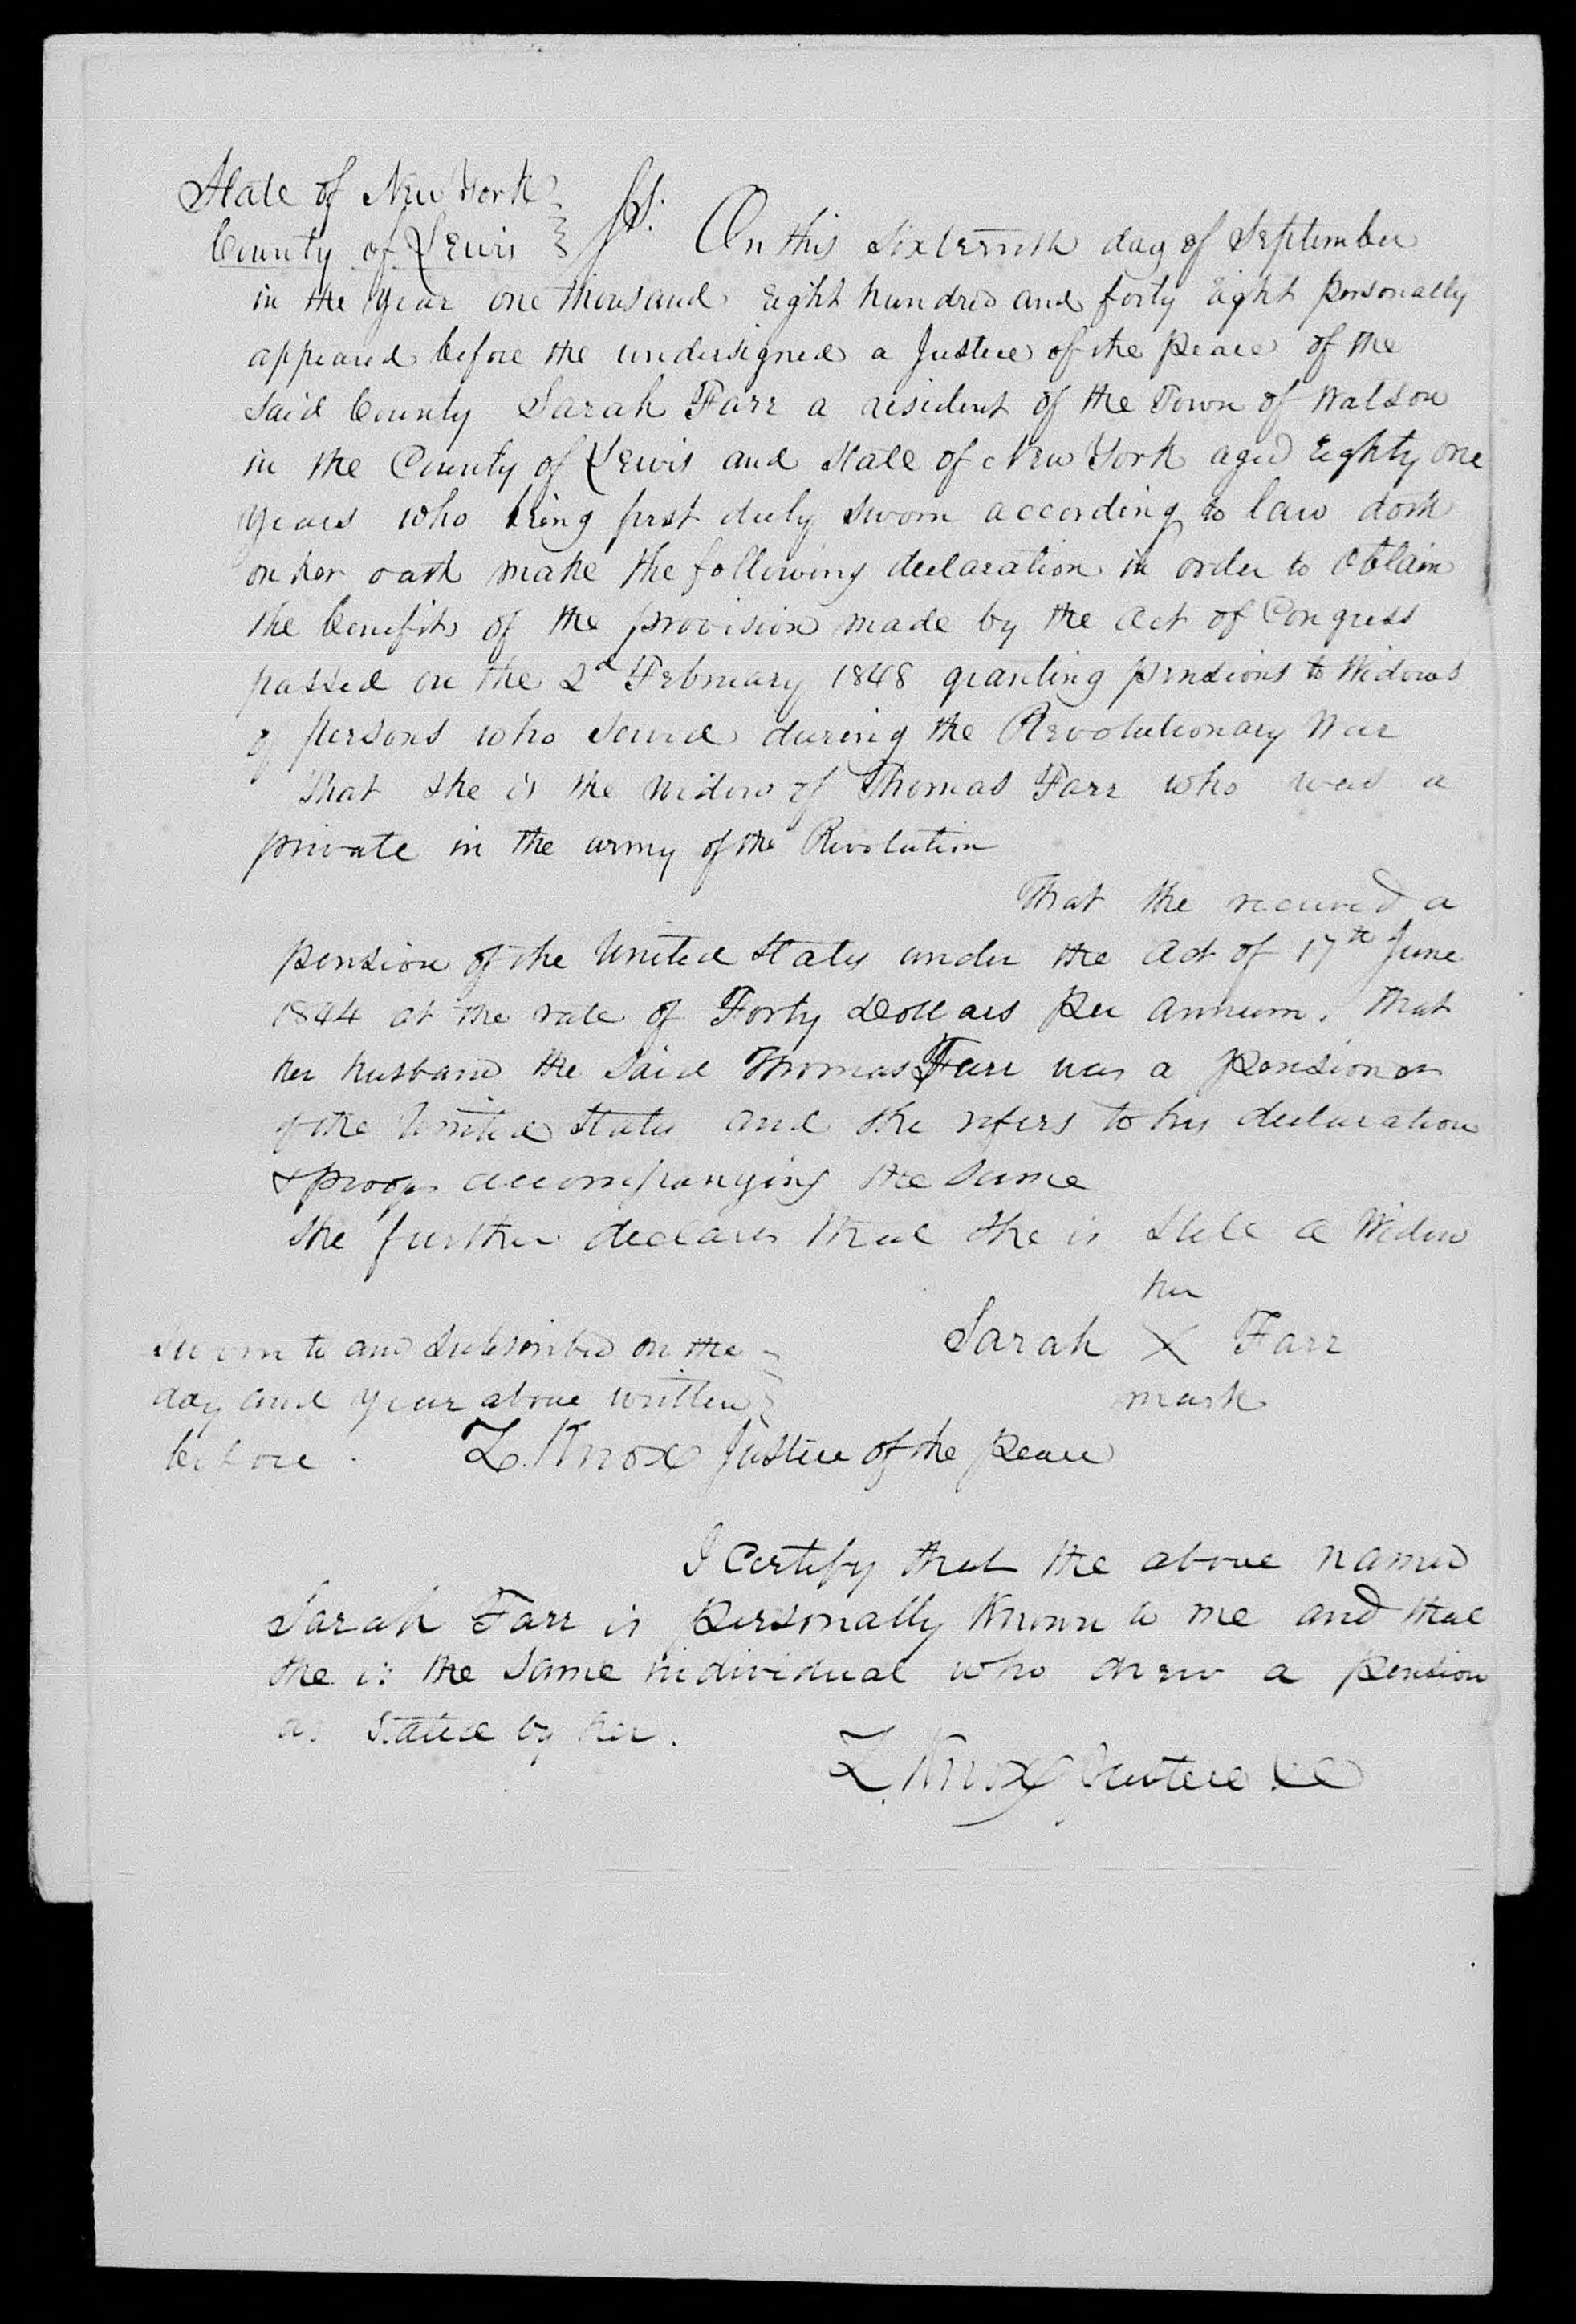State of New York}
County of Lewis} Ss. On this sixteenth day of September
in the year one thousand eight hundred and forty Eight personally
appeared before the undersigned a Justice of the peace of the
said County Sarah Farr a resident of the Town of Watson
in the County of Lewis and State of New York aged Eighty one
years who being first duly sworn according to law doth
on her oath make the following declaration in order to obtain
the benefits of the provision made by the act of Congress
passed on the 2d February 1848 granting pensions to Widows
of persons who served during the Revolutionary War
That she is the widow of Thomas Farr who was a
private in the army of the Revolution
That she received a
pension of the United States under the act of 17th June
1844 at the rate of Forty Dollars per annum, that
her husband the said Thomas Farr was a pensioner
of the United States and she refers to his declaration
& proofs accompanying the same
She further declares that she is still a widow.
her
                                                                            Sarah X Farr
Sworn to and subscribed on the}                             mark
day and year above written}
before.      Z. Knox Justice of the Peace

I certify that the above named
Sarah Farr is personally known to me and that
she is the same individual who drew a pension
as Stated by her 
Z. Knox Justice Pc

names: Thomas Farr, Sarah Farr, Sarah Farr, Z Knox, Thomas Farr, Z Knox, Sarah Farr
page: 42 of 46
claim: widow's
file: W. 23022, Thomas Farr, N.H.